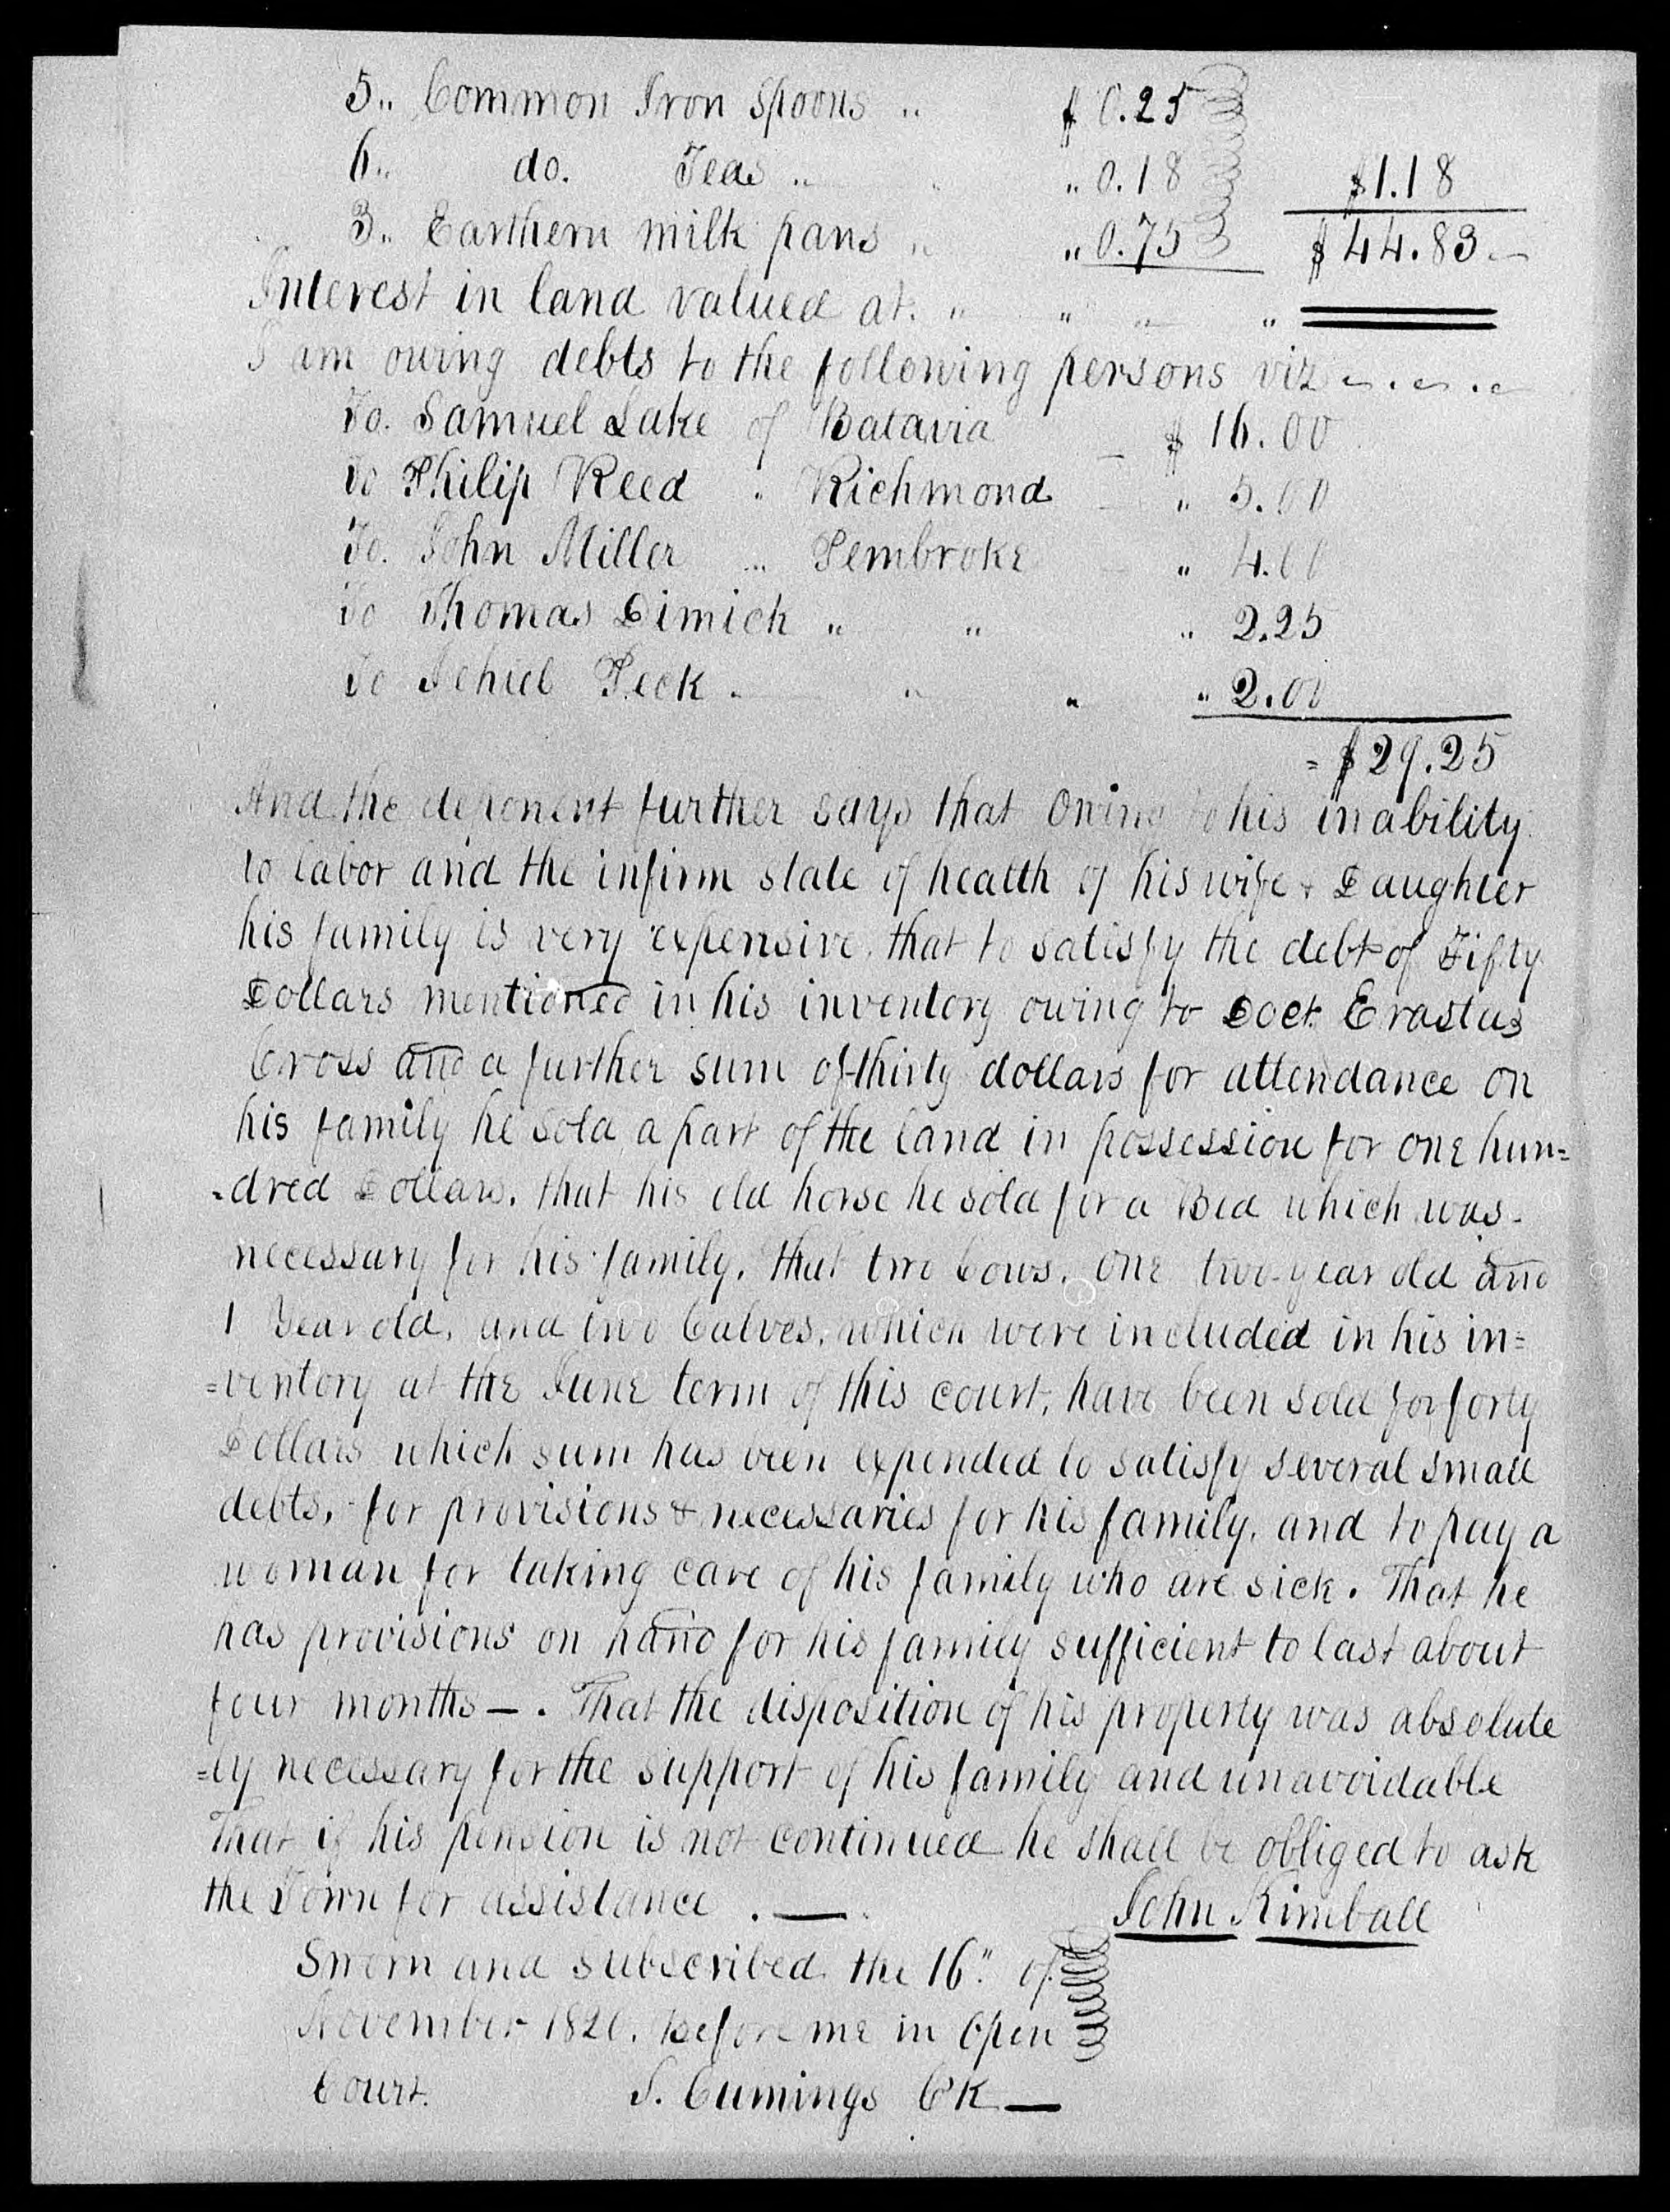5. Common Iron Spoons " 0.25
6. do. Teas. "0.18  
3. Earthen milk pans "0.75
$1.18 [underlined]
$44.83 [double underlined]
Interest in land valued at " " " "
I am owing debts to the following persons viz - -
To Samuel Lake of Batavia - $16.00
To Philip Reed of Richmond - 5.00
To John Miller of Pembroke - 4.00
To Thomas Dimick of Pembroke 2.25
To Jehiel Peck of Pembroke 2.00 [underlined]
$29.25

And the deponent further says that owing to his inability to labor and the infirm state of health of his wife & daughter his family is very expensive. that to satisfy the debt of Fifty Dollars mentioned in his inventory owing to Doct. Erastus Cross and a further sum of thirty dollars for attendance on his family he sold a part of the land in possession for one hundred Dollars. that his old horse he sold for a Bed which was necessary for his family, that two Cows, one two-year old and 1 year old, and two calves, which were included in his inventory at the June term of this court, have been sold for forty Dollars which sum has been expended to satisfy several small debts, for provisions & necessaries for his family, and to pay a woman for taking care of his family who are sick. That he has provisions on hand for his family sufficient to last about four months -. That the disposition of his property was absolutely necessary for the support of his family and unavoidable That if his pension is not continued he shall be obliged to ask the Town for assistance. - 
John Kimball
Sworn and subscribed the 16" of November 1821. Before me in open Court.}  S. Cumings Ck.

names: Philip Reed; Erastus Cross; John Kimball; S Cumings; Jehiel Peck; Thomas Dimick; John Miller; Samuel Lake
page: 22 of 36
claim: survivor's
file: S. 42,792, for John Kimball, Connecticut